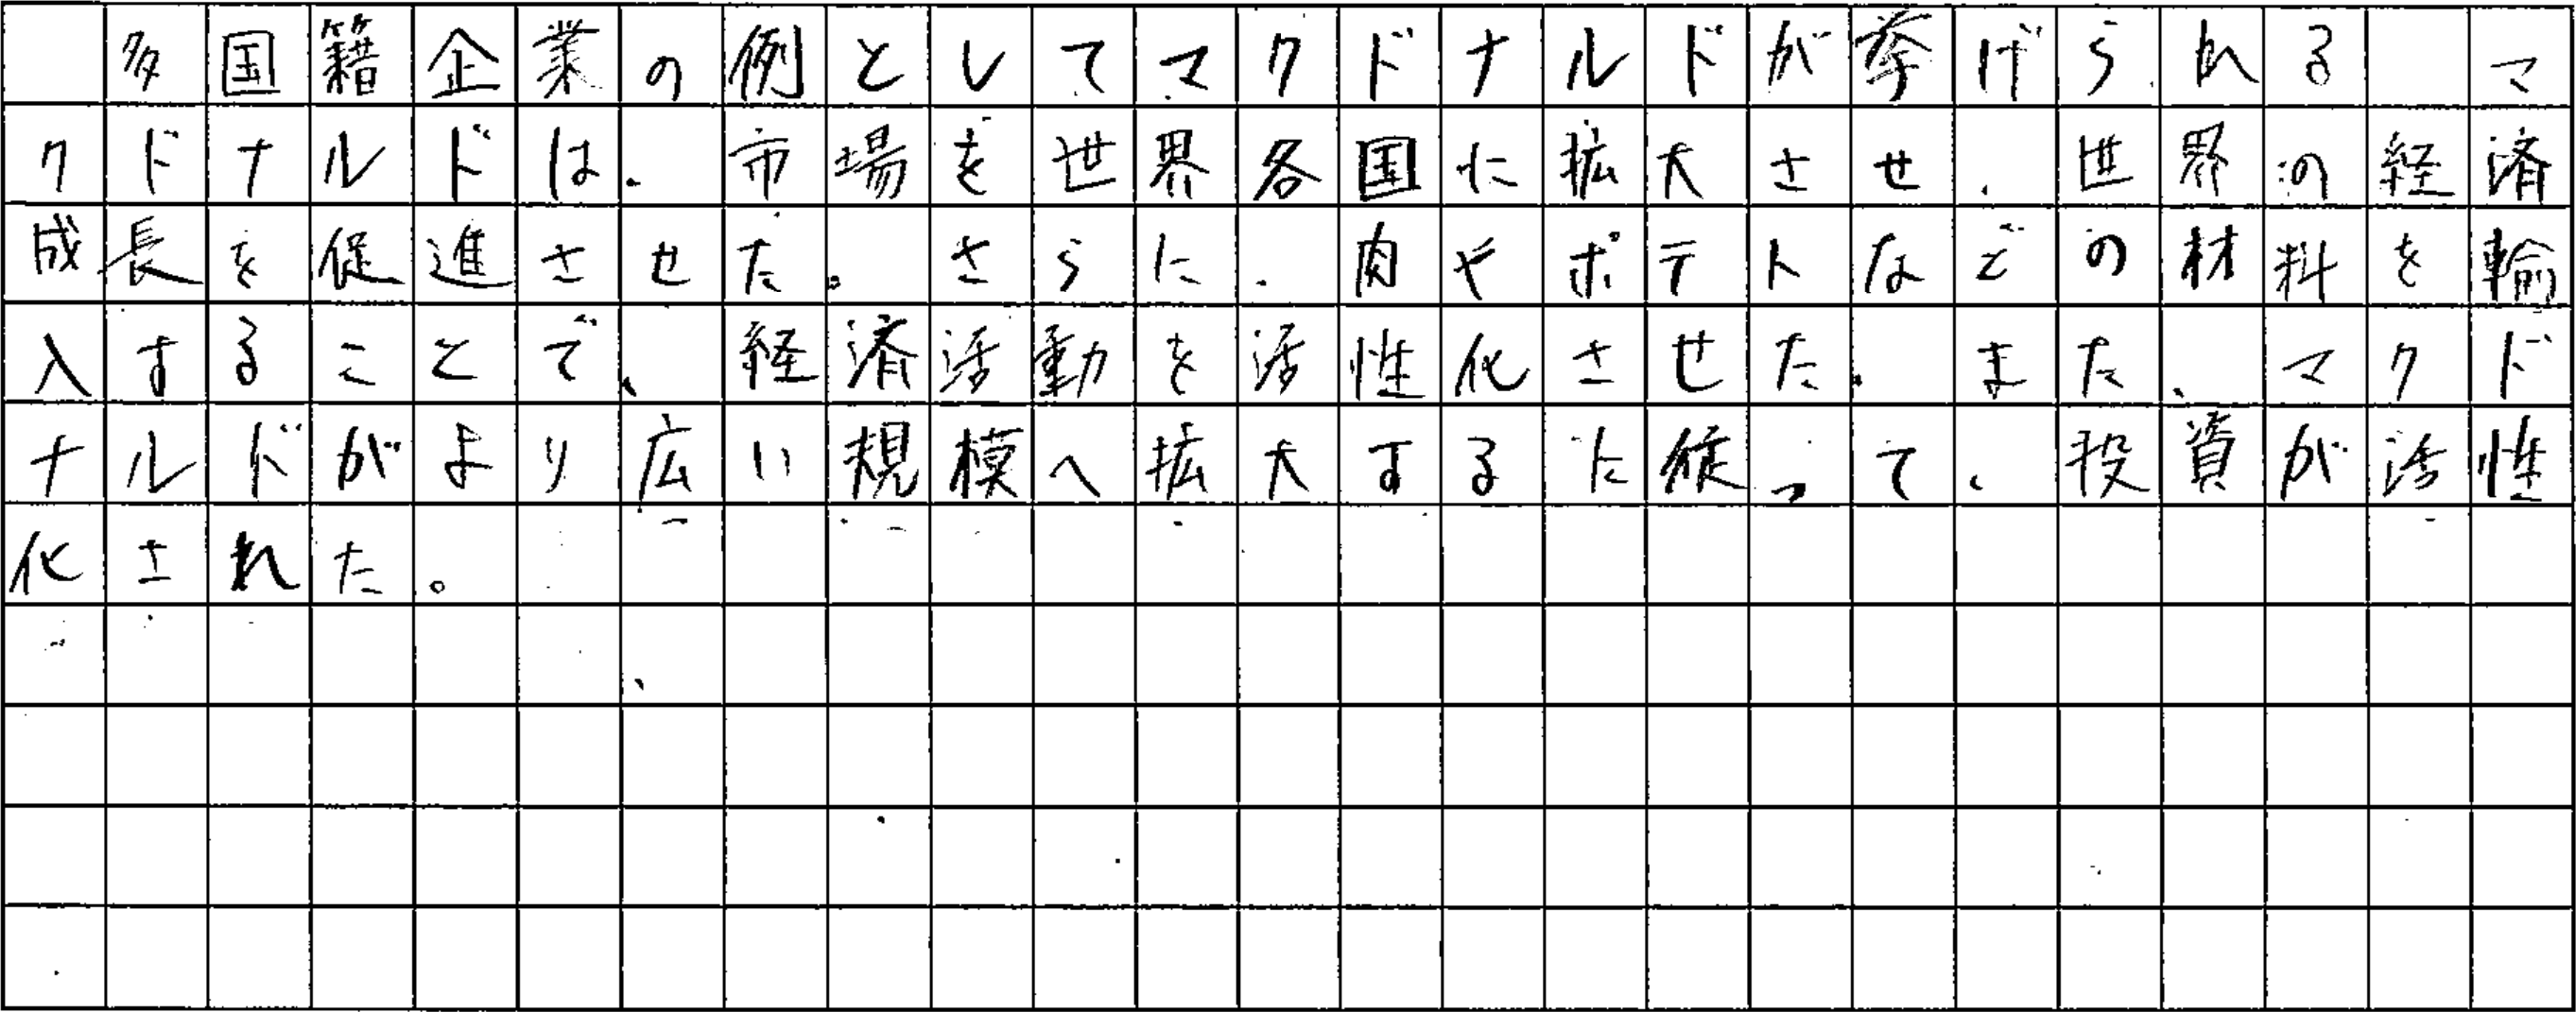　多国籍企業の例としてマクドナルドが挙げられる　マクドナルドは、市場を世界各国に拡大させ、世界の経済成長を促進させた。さらに、肉やポテトなどの材料を輸入することで、経済活動を活性化させた。また、マクドナルドがより広い規模へ拡大するに従って、投資が活性化された。
